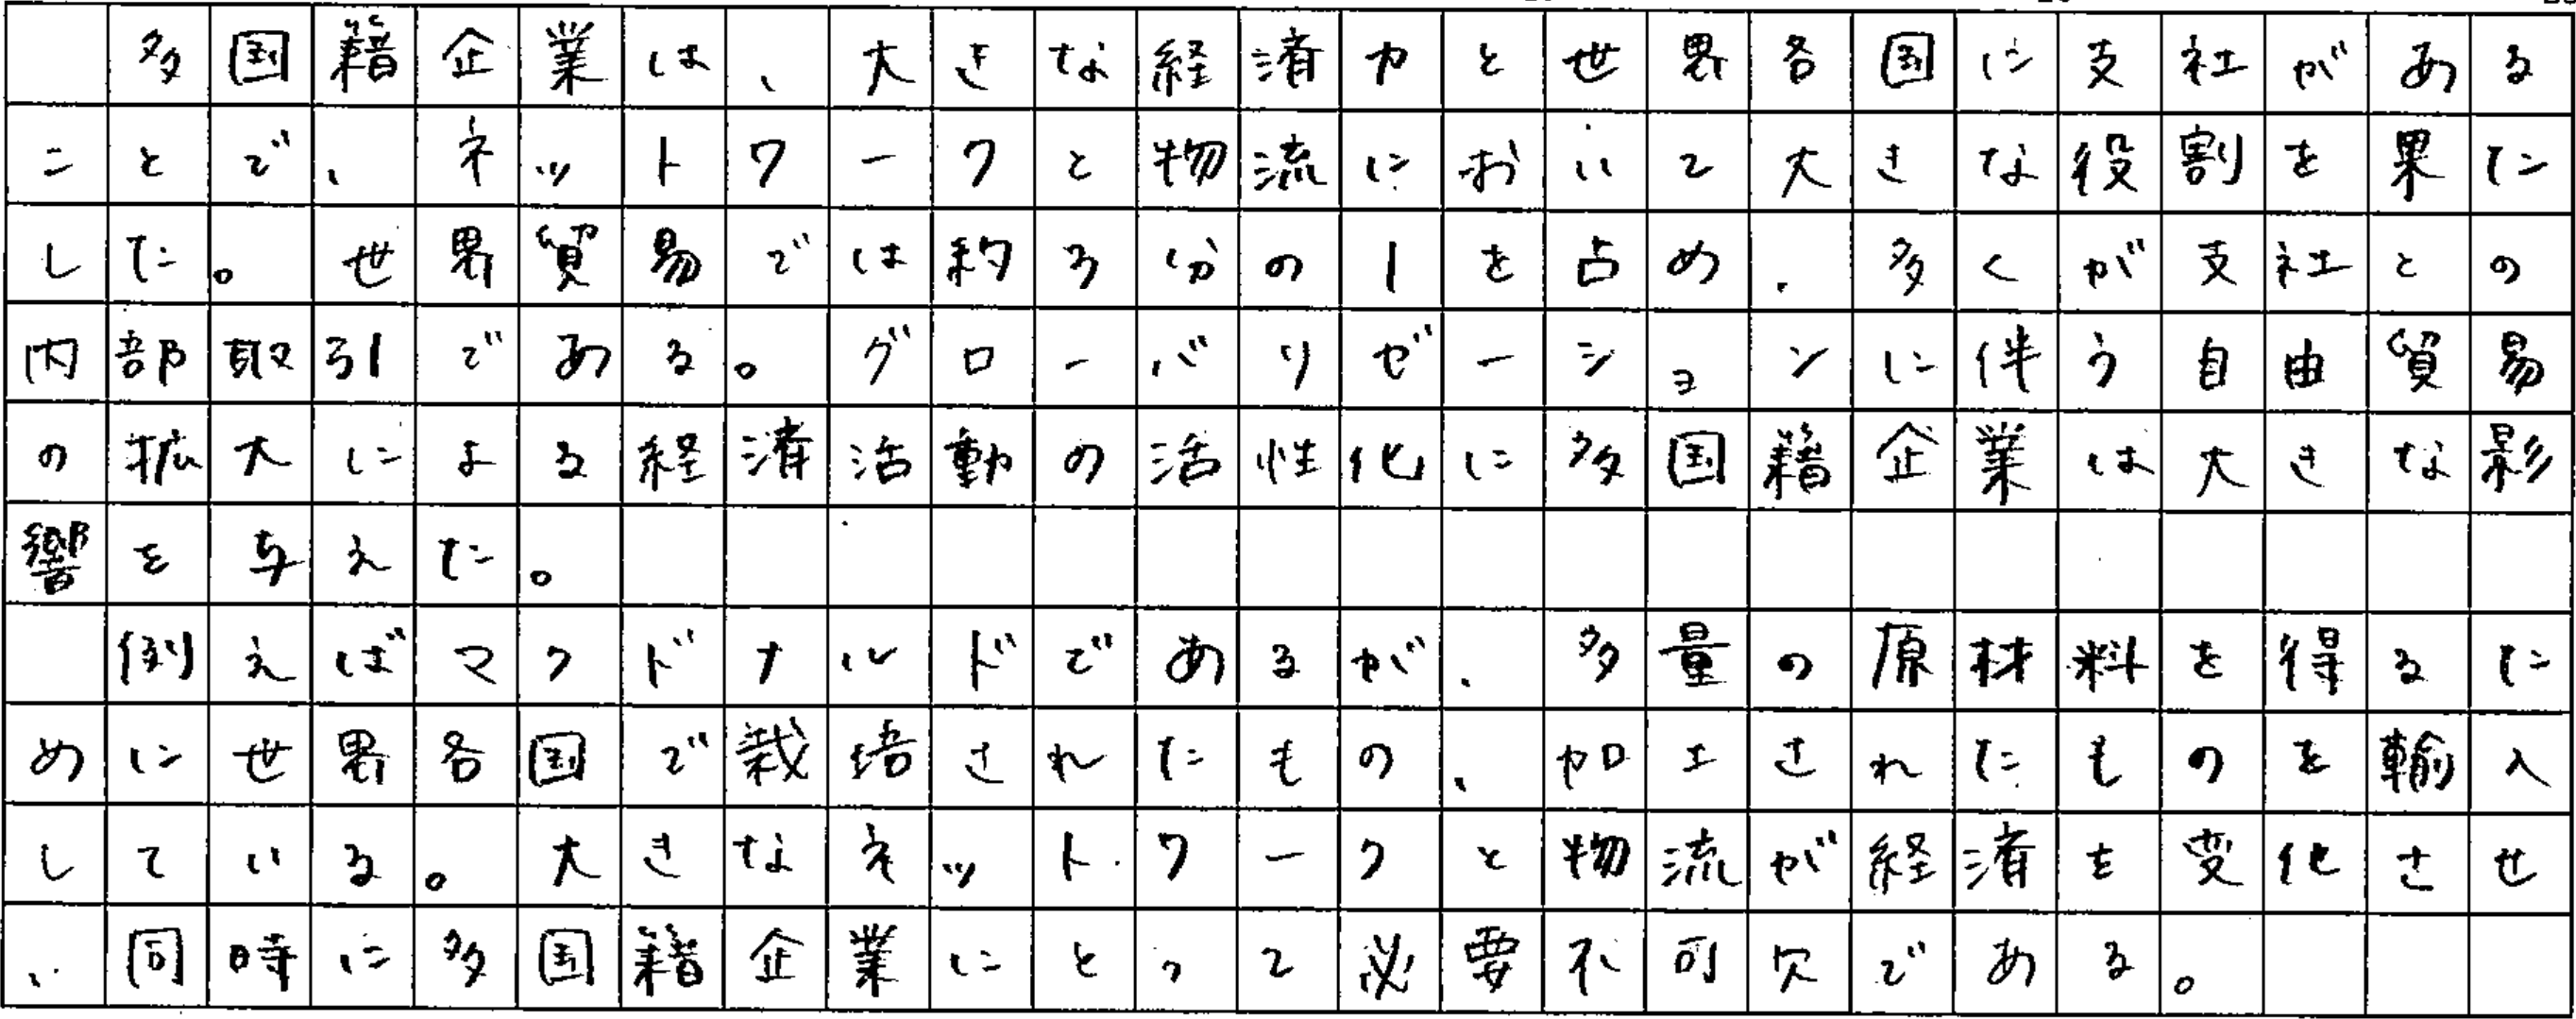　多国籍企業は、大きな経済力と世界各国に支社があることで、ネットワークと物流において大きな役割を果たした。世界貿易では約３分の１を占め、多くが支社との内部取引である。グローバリゼーションに伴う自由貿易の拡大による経済活動の活性化に多国籍企業は大きな影響を与えた。
　例えばマクドナルドであるが、多量の原材料を得るために世界各国で栽培されたもの、加工されたものを輸入している。大きなネットワークと物流が経済を変化させ、同時に多国籍企業にとって必要不可欠である。
